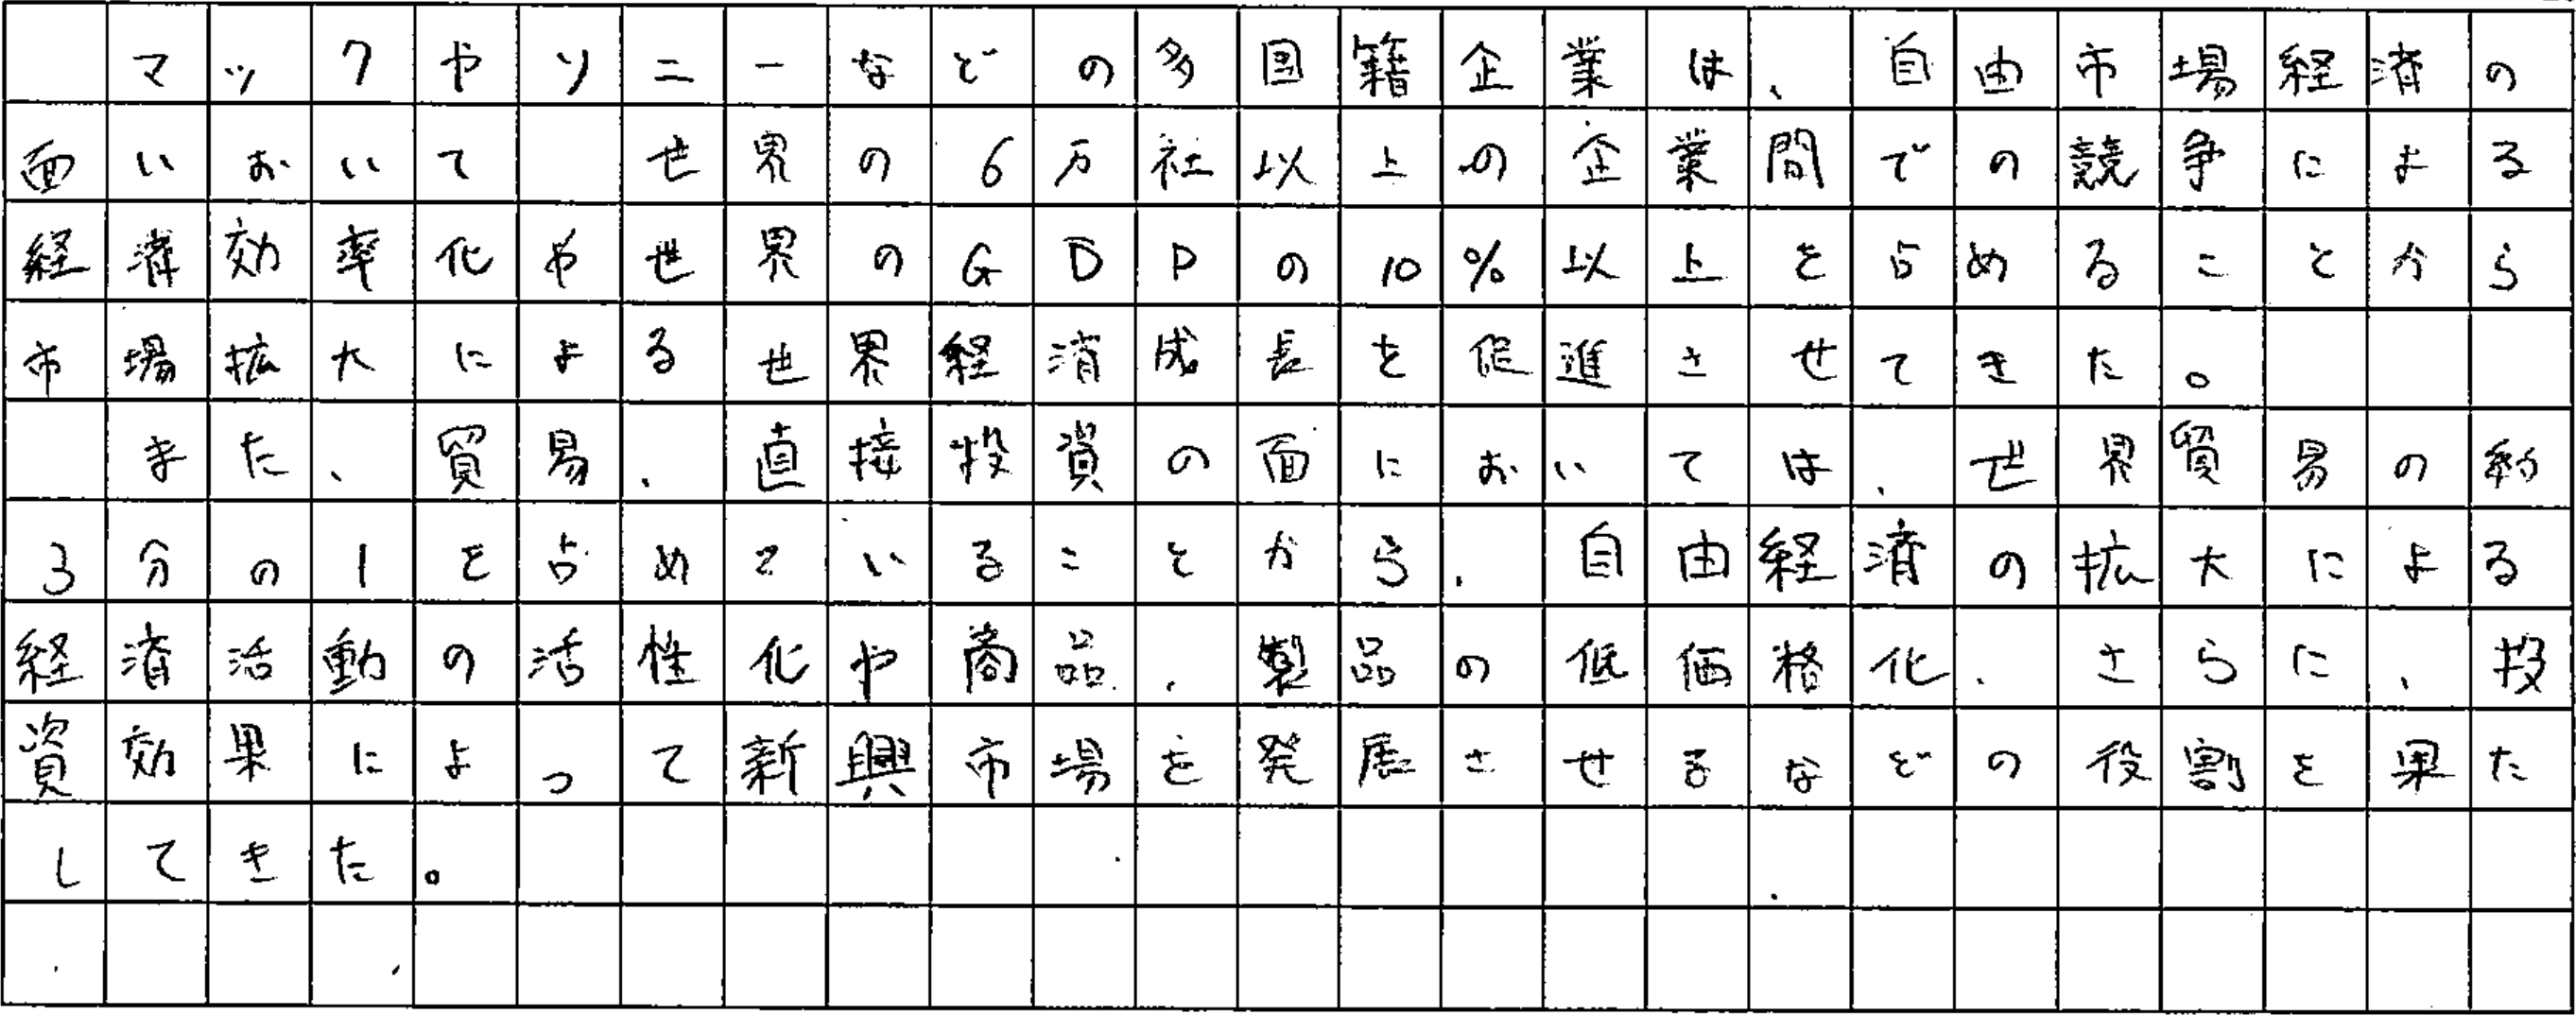　マックやソニーなどの多国籍企業は、自由市場経済の面いおいて　世界の６万社以上の企業間での競争による経済効率化や世界のＧＤＰの10％以上を占めることから市場拡大による世界経済成長を促進させてきた。
　また、貿易、直接投資の面においては、世界貿易の約３分の１を占めていることから、自由経済の拡大による経済活動の活性化や商品、製品の低価格化、さらに、投資効果によって新興市場を発展させるなどの役割を果たしてきた。
